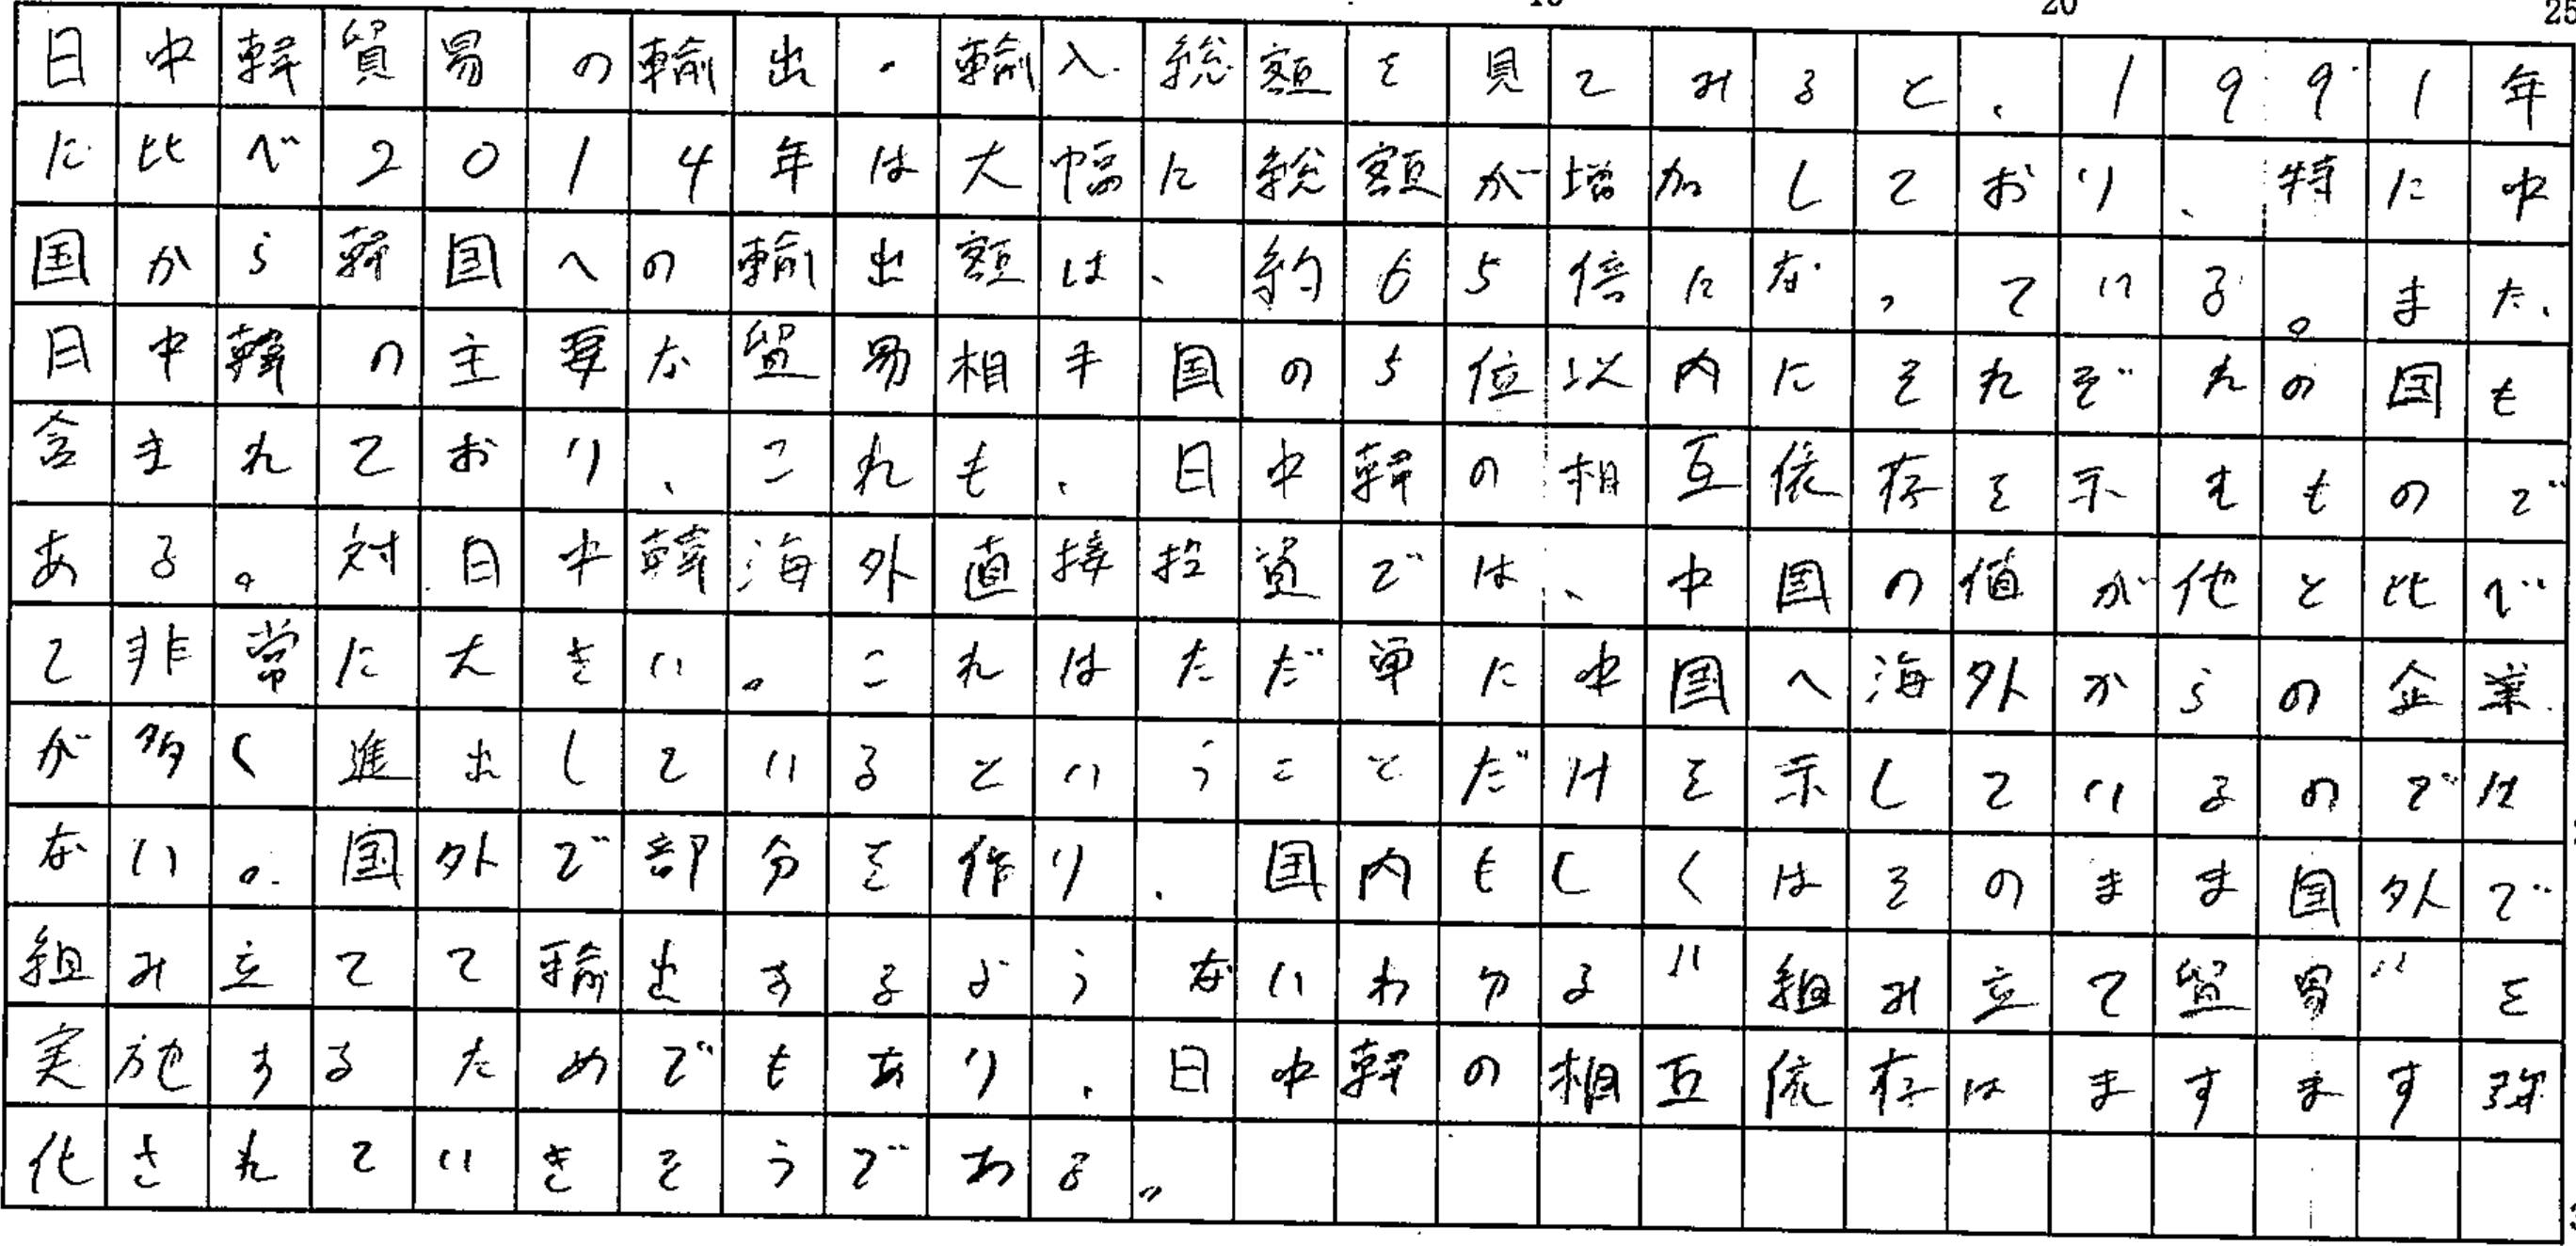日中韓貿易の輸出・輸入総額を見てみると、１９９１年に比べ２０１４年は大幅に総額が増加しており、特に中国から韓国への輸出額は、約６５倍になっている。また、日中韓の主要な貿易相手国の５位以内にそれぞれの国も含まれており、これも、日中韓の相互依存を示▁ものである。対日中韓海外直接投資では、中国の値が他と比べて非常に大きい。これはただ単に中国へ海外からの企業が多く進出しているということだけを示しているのではない。国外で部分を作り、国内もしくはそのまま国外で組み立てて輸出するようないわゆる　″組み立て貿易″を実施するためでもあり、日中韓の相互依存はますます▁化されていきそうである。
